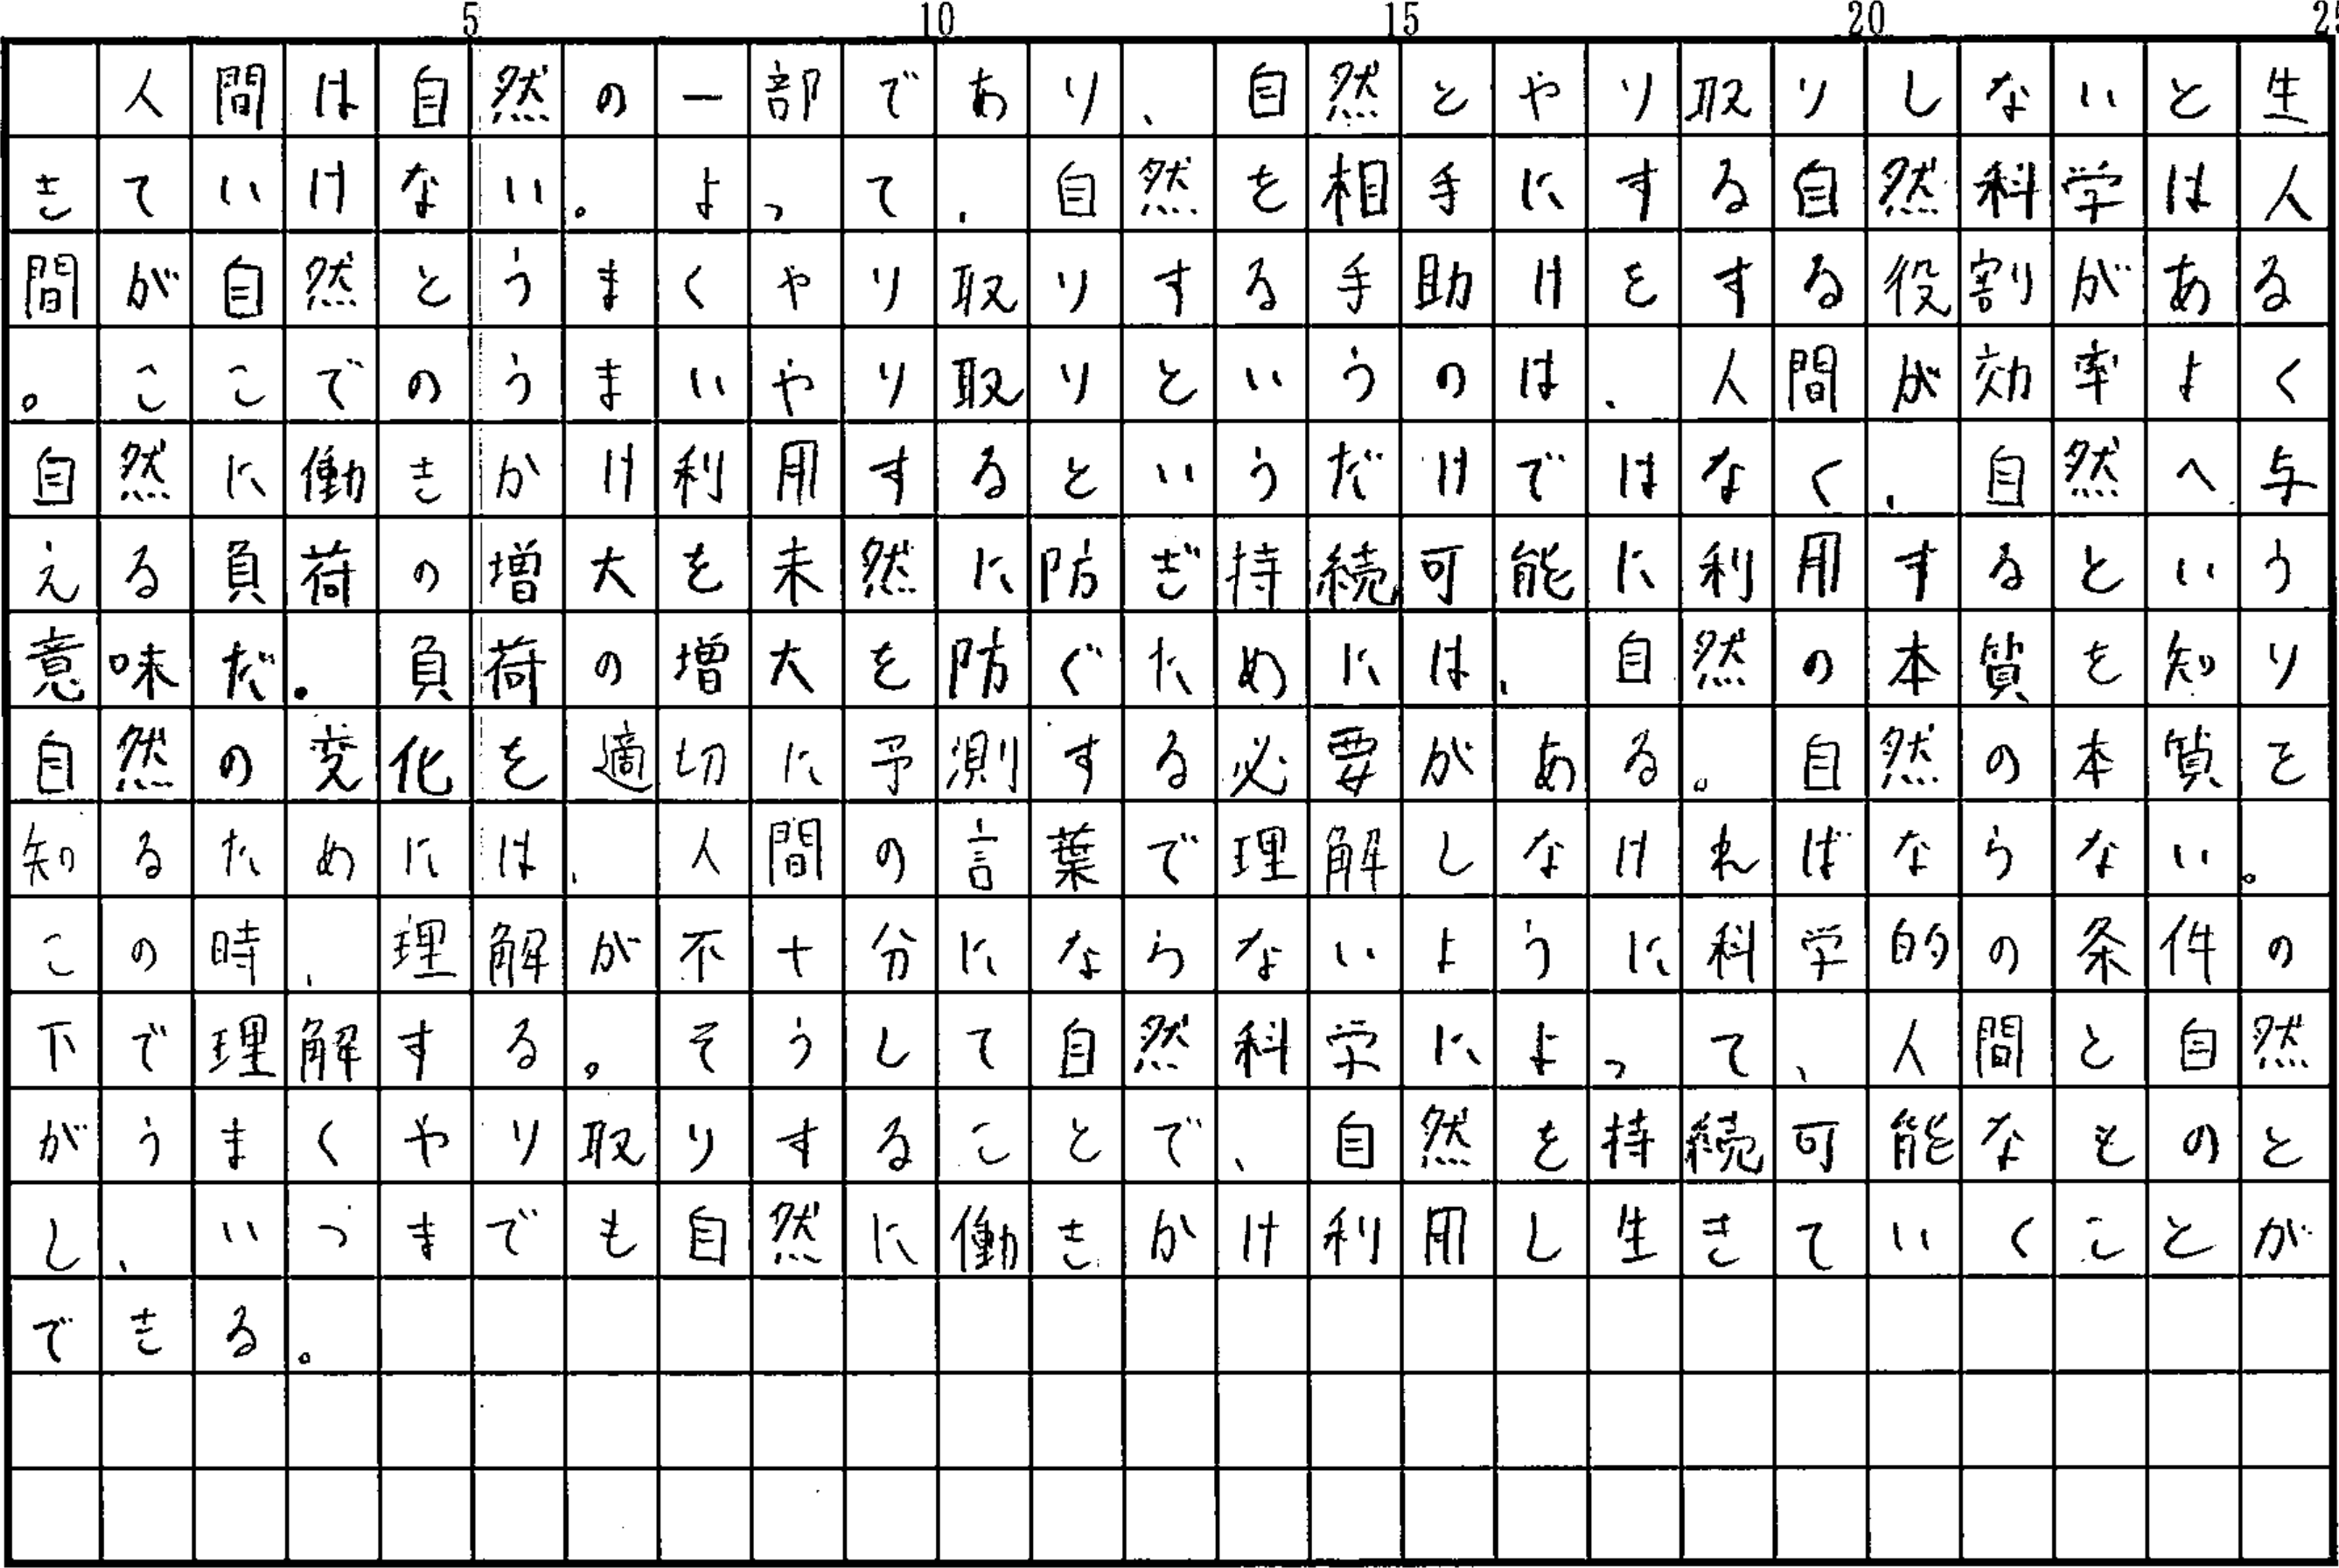　人間は自然の一部であり、自然とやり取りしないと生きていけない。よって、自然を相手にする自然科学は人間が自然とうまくやり取りする手助けをする役割がある。ここでのうまいやり取りというのは、人間が効率よく自然に働きかけ利用するというだけではなく、自然へ与える負荷の増大を未然に防ぎ持続可能に利用するという意味だ。負荷の増大を未然に防ぐためには、自然の本質を知り自然の変化を適切に予測する必要がある。自然の本質を知るためには、人間の言葉で理解しなければならない。この時、理解が不十分にならないように科学的の条件の下で理解する。そうして自然科学によって、人間と自然がうまくやり取りすることで、自然を持続可能なものとし、いつまでも自然に働きかけ利用し生きていくことができる。
